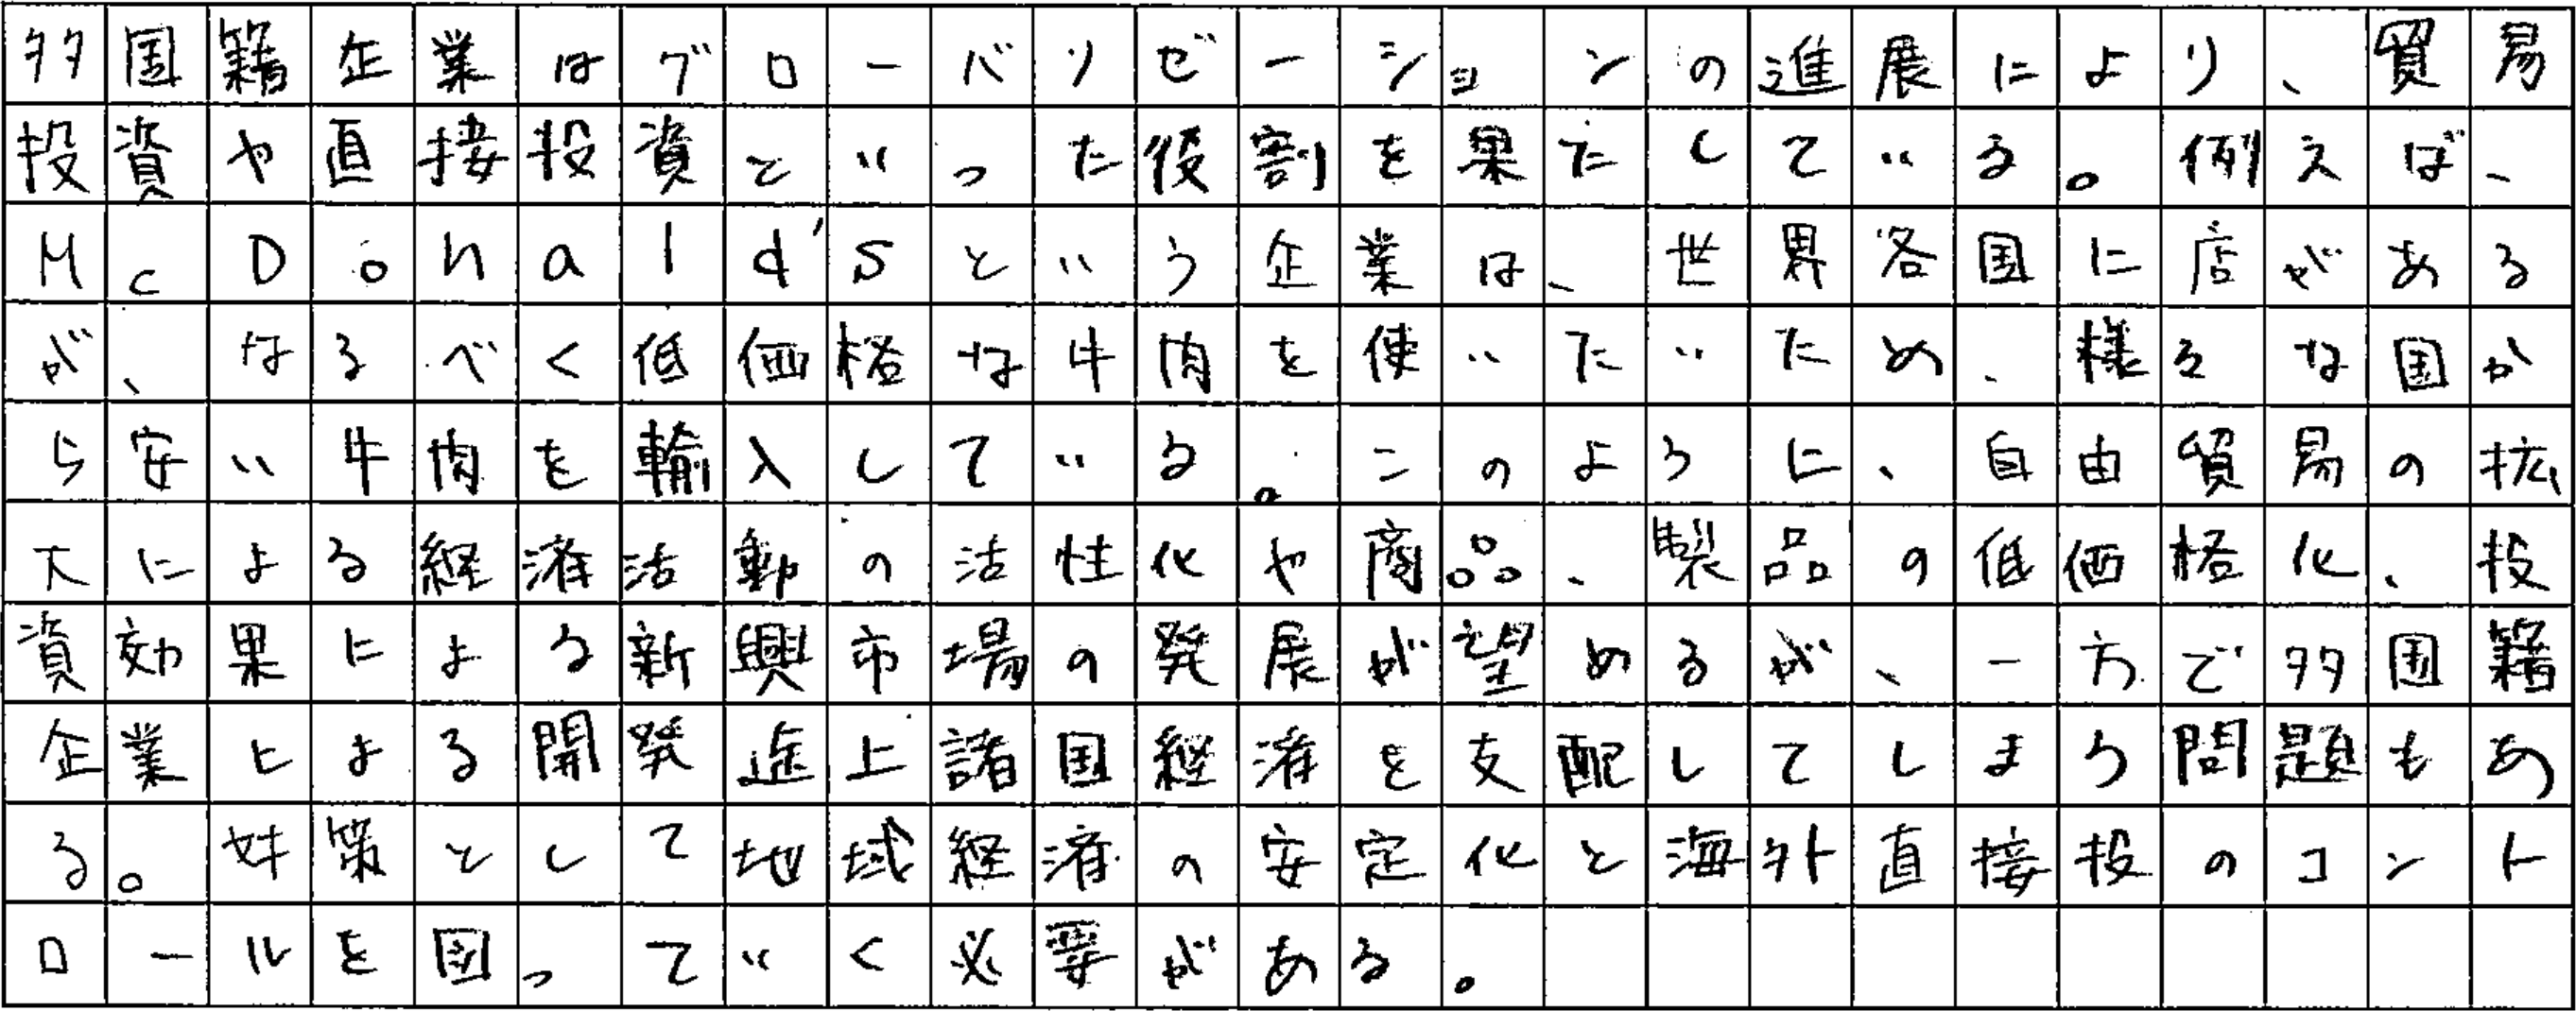多国籍企業はグローバリゼーションの進展により、貿易投資や直接投資といった役割を果たしている。例えば、ＭｃＤｏｎａｌd'ｓという企業は、世界各国に店があるが、なるべく低価格な牛肉を使いたいため、様々な国から安い牛肉を輸入している。このように、自由貿易の拡大による経済活動の活性化や商品、製品の低価格化、投資効果による新興市場の発展が望めるが、一方で多国籍企業による開発途上諸国経済を支配してしまう問題もある。▁策として地域経済の安定化と海外直接投のコントロールを図っていく必要がある。
